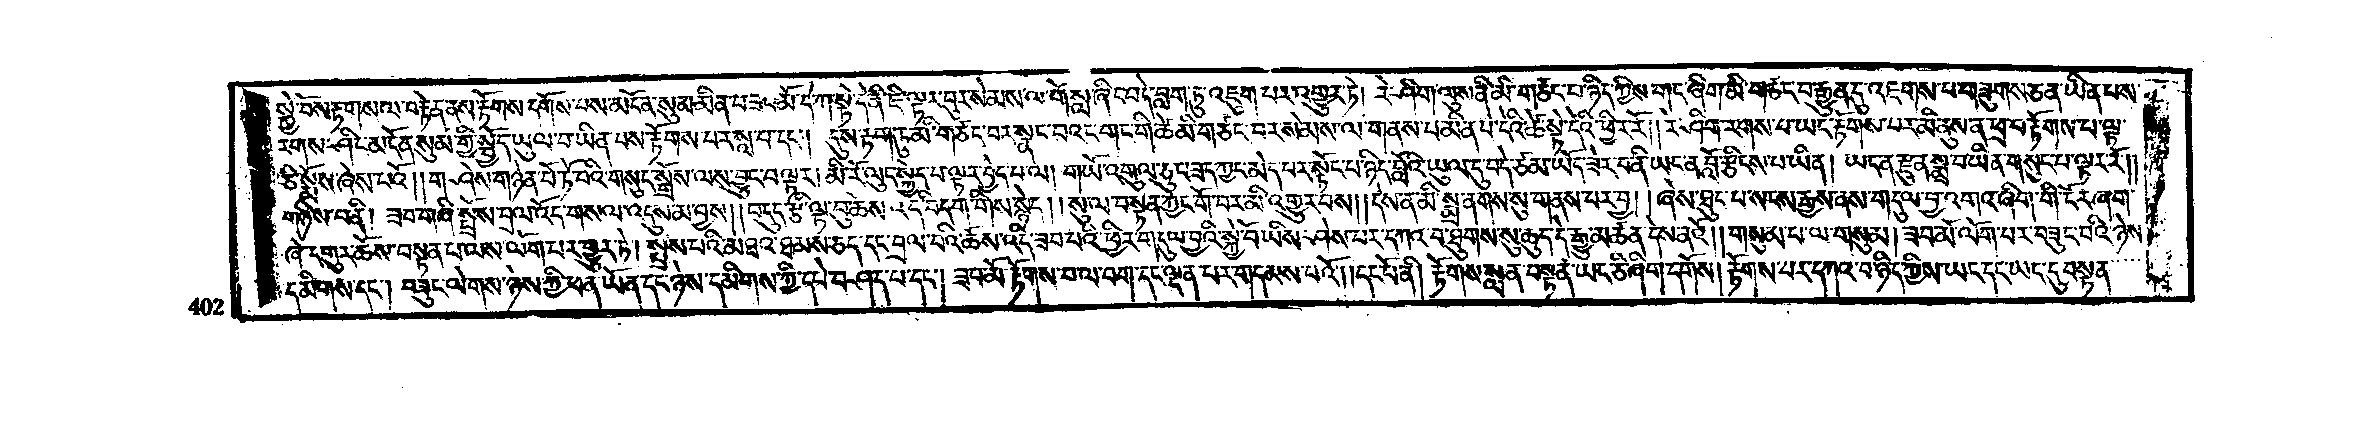སྐྱེ་བོས་རྟགས་ལ་བརྟེན་ནས་རྟོགས་དགོས་པས་མངོན་སུམ་མིན་པ་ཟབ་མོ་དེ་ཀ་སྟེ་དེ་ནི་ཇི་ལྟར་བུར་སེམས་ལ་གོ་སླ་ཞིང་བདེ་བླག་ཏུ་འཇུག་པར་འགྱུར་ཏེ། རེ་ཤིག་ལུས་ནི་མི་གཙང་བ་ཉིད་ཀྱིས་གང་ཞིག་མི་གཙང་བ་རྒྱུན་དུ་འཇགས་པ་གཟུགས་ཅན་ཡིན་པས་
རགས་ཤིང་མངོན་སུམ་གྱི་སྤྱོད་ཡུལ་བ་ཡིན་པས་རྟོགས་པར་སླ་བ་དང་། དུས་རྟག་ཏུ་མི་གཙང་བར་སྣང་བའང་གང་གི་ཚེ་མི་གཙང་བར་སེམས་ལ་གནས་པ་མིན་པ་དེའི་ཚེ་སྟེ་དེའི་ཕྱིར་རོ། །རེ་ཤིག་རགས་པ་ཡང་རྟོགས་པར་མི་ནུས་ན་ཕྲ་བ་རྟོགས་པ་ལྟ་
ཅི་སྨོས་ཞེས་པའོ། །གཤེས་གཉེན་པོ་ཏོ་བའི་གསུང་སྒྲོས་ལས་བྱུང་བ་ལྟར། མི་རོ་ལུང་སྐྱེད་པ་ལྟར་བྱེད་པ་ལ། གཡོ་འགུལ་ཅུང་ཟད་ཀྱང་མེད་པར་སྟོང་པ་ཉིད་བློའི་ཡུལ་དུ་བདེ་ཙམ་ཡོད་ཟེར་བ་ནི་ཡང་ན་བློ་རྩིངས་པ་ཡིན། ཡང་ན་རྫུན་སྨྲ་བ་ཡིན་གསུང་པ་ལྟར་རོ། །
གཉིས་པ་ནི། ཟབ་གཞི་སྤྲོས་བྲལ་འོད་གསལ་འདུས་མ་བྱས། བདུད་རྩི་ལྟ་བུ་ཆེས་འདི་བདག་གིས་སྙེད། །སུ་ལ་བསྟན་ཀྱང་གོ་བར་མི་འགྱུར་བས། །དེས་ན་མི་སྨྲ་ནགས་སུ་གནས་པར་བྱ། །ཞེས་ཐུད་པ་སངས་རྒྱས་ནས་གདུལ་བྱ་འགའ་ཞིག་གི་ངོར་ཞག་
ཞེ་དགུར་ཆོས་བསྟན་པ་ལས་ལོག་པར་གྱུར་ཏེ། སྤྲས་པའི་མཐའ་ཐམས་ཅད་དང་བྲལ་བའི་ཆོས་འདི་ཟབ་པའི་ཕྱིར་གདུལ་བྱའི་སྐྱེ་བོ་ཡིས་ཤེས་པར་དཀའ་བ་ཐུགས་སུ་ཆུད་དེ་རྒྱུ་མཚན་དེས་ནའོ། །གསུམ་པ་ལ་གསུམ། ཟབ་མོ་ལོག་པར་བཟུང་བའི་ཉེས་
དམིགས་དང་། བཟུང་ལེགས་ཉེས་ཀྱི་ཕན་ཡོན་དང་ཉེས་དམིགས་ཀྱི་དཔེ་བཤད་པ་དང་། ཟབ་མོ་རྟོགས་པ་ལ་བག་དང་ལྡན་པར་གདམས་པའོ། །དང་པོ་ནི། རྟོགས་སླན་བསྟན་ཡང་ཅི་ཞིག་དགོས། རྟོགས་པར་དཀའ་བ་ཉིད་ཀྱིས་ཡང་དང་ཡང་དུ་བསྟན་